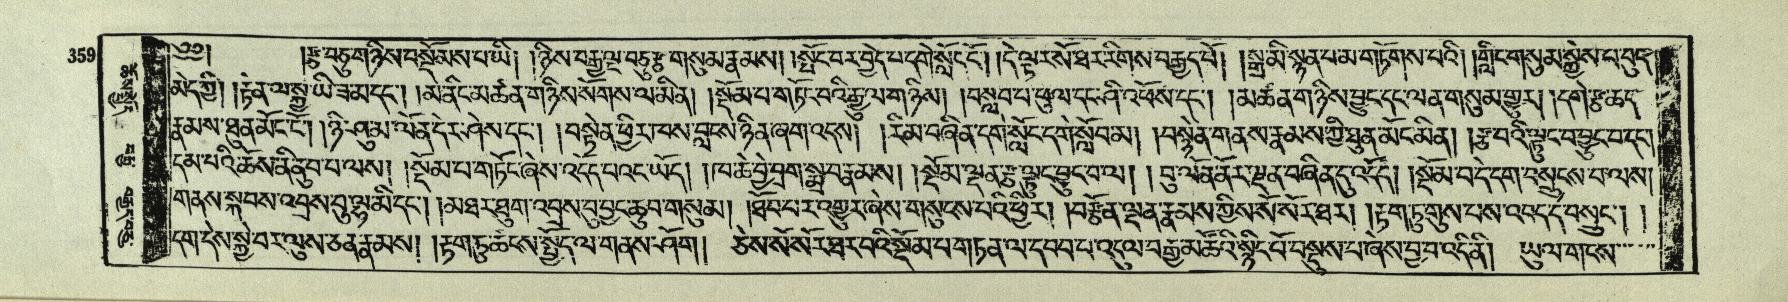༄༅། །རྩ་བཅུ་གཉིས་བསྡོམས་པ་ཡི། །ཉིས་བརྒྱ་ལྔ་བཅུ་རྩ་གསུམ་རྣམས། །སྤོང་བར་བྱེད་པ་དགེ་སློང་ངོ། །དེ་ལྟར་སོ་ཐར་རིགས་བརྒྱད་པོ། །སྒྲ་མི་སྙན་པ་མ་གཏོགས་པའི། །གླིང་གསུམ་སྐྱེས་པ་བུད་
མེད་ཀྱི། །རྟེན་ལ་སྐྱ་ཡི་ཟ་མ་དང་། །མ་ནིང་མཚན་གཉིས་སོགས་ལ་མིན། །སྡོམ་པ་གཏོང་བའི་རྒྱུ་ལ་གཉིས། །བསླབ་པ་ཕུལ་དང་ཤི་འཕོས་དང་། །མཚན་གཉིས་བྱུང་དང་ལན་གསུམ་གྱུར། །དགེ་རྩ་ཆད་
རྣམས་ཐུན་མོང་ངོ། །ཉི་ཤུ་མ་ལོན་དེར་ཤེས་དང་། །བསྟེན་ཕྱིར་ཁས་བླངས་ཉིན་ཞག་འདས། །རིམ་བཞིན་དགེ་སློང་དགེ་སློབ་མ། །བསྙེན་གནས་རྣམས་ཀྱི་ཐུན་མོང་མིན། །རྩ་བའི་ལྟུང་བ་བྱུང་བ་དང་།
དམ་པའི་ཆོས་ནི་ནུབ་པ་ལས། །སྡོམ་པ་གཏོང་ཞེས་འདོད་པའང་ཡོད། །ཁ་ཆེ་བྱེ་བྲག་སྨྲ་བ་རྣམས། །སྡོམ་ལྡན་རྩ་ལྟུང་བྱུང་བ་ལ། །བུ་ལོན་ནོར་ལྡན་བཞིན་དུ་འདོད། །སྡོམ་བ་དེ་དག་བསྲུངས་བ་ལས།
གནས་སྐབས་འབྲས་བུ་ལྷ་མི་དང་། །མཐར་ཐུག་འབྲས་བུ་བྱང་ཆུབ་གསུམ། །ཐོབ་པར་འགྱུར་ཞེས་གསུངས་པའི་ཕྱིར། །བརྩོན་ལྡན་རྣམས་ཀྱིས་སོ་སོར་ཐར། །རྟག་ཏུ་གུས་པས་འབད་ད་བསྲུང་། །
དག་དེས་སྐྱེ་བར་ལུས་ཅན་རྣམས། །རྟག་ཏུ་ཚངས་སྤྱོད་ལ་གནས་ཤོག། ཅེས་སོ་སོར་ཐར་བའི་སྡོམ་པ་གཏན་ལ་དབབ་པ་འདུལ་བརྒྱ་མཚོའི་སྙིང་པོ་བསྡུས་པ་ཞེས་བྱ་བ་འདི་ནི། ཡུལ་གངས་